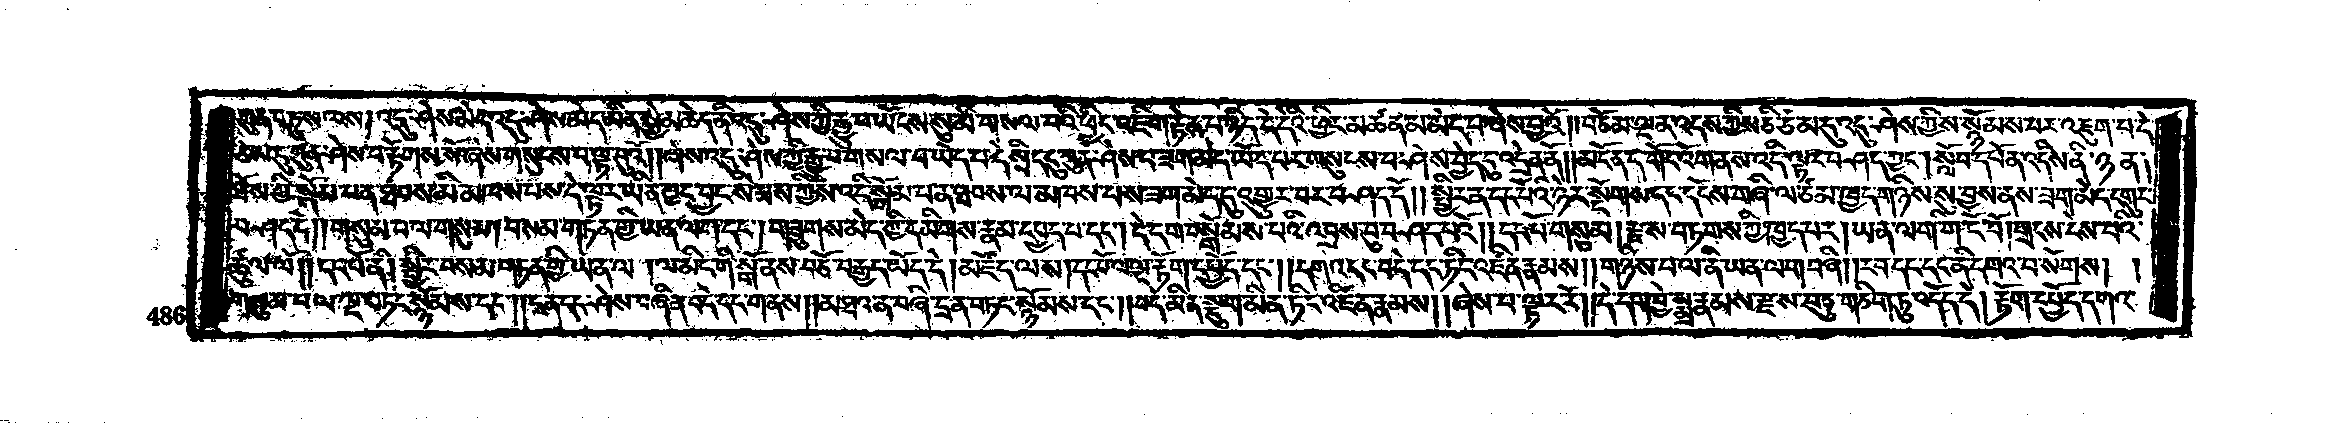ཀུན་བཏུས་ལས། འདུ་ཤེས་མེད་འདུ་ཤེས་མེད་མིན་སྐྱེ་མཆེད་ནི་འདུ་ཤེས་ཀྱི་རྒྱུ་བ་ཡོངས་སུ་མི་གསལ་བའི་ཕྱིར་འཇིག་རྟེན་པ་ཉིད་དེ་དེའི་ཕྱིར་མཚན་མ་མེད་པ་ཞེས་བྱའོ། །བཅོམ་ལྡན་འདས་ཀྱིས་ཅི་ཙམ་དུ་འདུ་ཤེས་ཀྱིས་སྙོམས་པར་འཇུག་པ་དེ་
ཙམ་དུ་ཀུན་ཤེས་པ་རྟོགས་སོ་ཞེས་གསུངས་པ་ལྟ་བུའོ། །ཞེས་འདུ་ཤེས་ཀྱི་རྒྱུ་བ་གསལ་བ་ཡོད་པ་དེ་སྲིད་དུ་ཀུན་ཤེས་པ་ཟག་མེད་ཡོད་པར་གསུངས་པ་ཤེས་བྱེད་དུ་འདྲེན་ནོ། །མངོན་པ་གོང་འོག་ནས་འདི་ལྟར་བཤད་ཀྱང་། སློབ་དཔོན་འདིས་ནི་ཉན།
ཐོས་ཀྱི་སྒོམ་པ་ན་ཐབས་མི་མཁས་པས་དེ་ལྟར་ཡིན་ཀྱང་བྱང་སེམས་ཀྱིས་འདི་སྒོམ་པ་ན་ཐབས་ལ་མཁས་པས་ཟག་མེད་དུ་འགྱུར་བར་བཤད་དོ། །སྤྱིར་ན་དང་པོའི་ཉེར་སྡོགས་དང་དངོས་གཞི་ལ་ཙམ་ཁྱད་གཉིས་སུ་བྱས་ནས་ཟག་མེད་དགུར་
བཤད་དེ། །གསུམ་པ་ལ་གསུམ། བསམ་གཏན་གྱི་ཡན་ལག་དང་། གཟུགས་མེད་ཀྱི་དམིགས་རྣམ་དཔྱད་པ་དང་། དེ་དག་བསྒོམས་པའི་འབྲས་བུ་བཤད་པའོ། །དང་པོ་གསུམ། རྫས་བཏགས་ཀྱི་ཁྱད་པར། ཡན་ལག་གི་ངོ་བོ། གྲངས་ངེས་པའི་
ཚུལ་ལོ། །དང་པོ་ནི། སྤྱིར་བསམ་གཏན་གྱི་ཡན་ལག་ལ་མིང་གི་སྒོ་ནས་བཅོ་བརྒྱད་ཡོད་དེ། མཛོད་ལས། དང་པོ་ལ་ལྔ་རྟོག་དཔྱོད་དང་། །དགའ་དང་བདེ་དང་ཏིང་འཛིན་རྣམས། །གཉིས་པ་ལ་ནི་ཡན་ལག་བཞི། །རབ་དང་དང་ནི་དགའ་བ་སོགས། །
གསུམ་པ་ལ་ལྔ་བཏང་སྙོམས་དང་། །དྲན་དང་ཤེས་བཞིན་བདེ་དང་གནས། །མཐའ་ན་བཞི་དྲན་བཏང་སྙོམས་དང་། །བདེ་མིན་སྡུག་མིན་ཏིང་འཛིན་རྣམས། །ཞེས་པ་ལྟར་རོ། །དེ་དག་བྱེ་སྨྲ་རྣམས་རྫས་བཅུ་གཅིག་ཏུ་འདོད་དེ། རྟོག་དཔྱོད་དགའ་